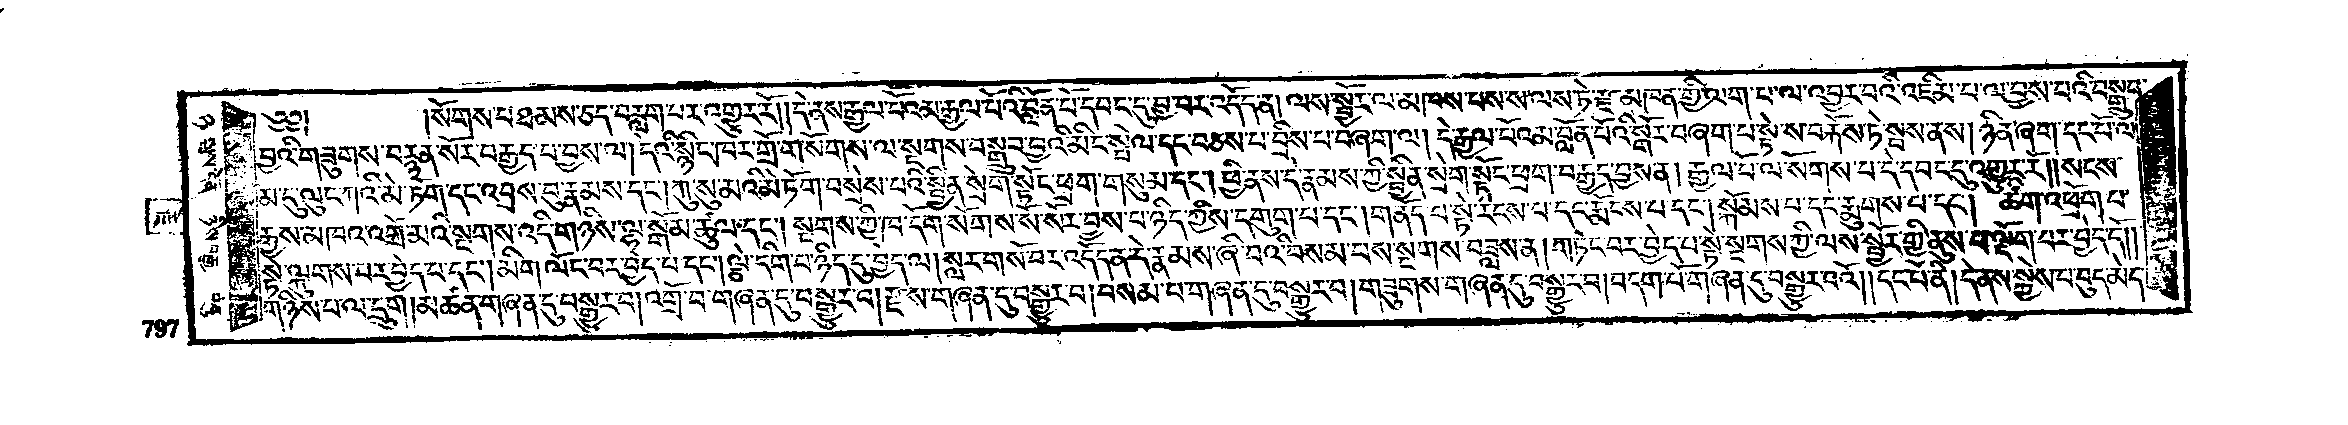༄༅། །སོགས་པ་ཐམས་ཅད་བརླག་པར་འགྱུར་རོ། །དེ་ནས་རྒྱལ་པོའམ་རྒྱལ་པོའི་བློན་པོ་དབང་དུ་བྱ་བར་འདོད་ན། ལས་སྦྱོར་ལ་མཁས་པས་ས་ལས་ཏེ་རྫ་མཁན་གྱི་ལག་པ་ལ་འབྱར་བའི་འཇིམ་པ་ལ་བྱས་པའི་བསྒྲུབ་
བྱའི་གཟུགས་བརྙན་སོར་བརྒྱད་པ་བྱས་ལ། དེའི་སྙིང་ཁར་གྲོ་ག་སོགས་ལ་སྔགས་བསྒྲུབ་བྱའི་མིང་སྤེལ་དང་བཅས་པ་བྲིས་པ་བཞག་ལ། དེ་རྒྱལ་པོའམ་བློན་པོའི་སྒོར་བཞག་པ་སྟེ་ས་བརྐོས་ཏེ་སྦས་ནས། ཉིན་ཞག་དང་པོ་ལ་
མ་དུ་ལུང་ཀའི་མེ་ཏོག་དང་འབྲས་བུ་རྣམས་དང་། ཀུ་སུ་མའི་མེ་ཏོག་བསྲེས་པའི་སྦྱིན་སྲེག་སྟོང་ཕྲག་གསུམ་དང་། ཕྱི་ནས་དེ་རྣམས་ཀྱི་སྦྱིན་སྲེག་སྟོང་ཕྲག་བརྒྱད་བྱས་ན། རྒྱལ་པོ་ལ་སོགས་པ་དེ་དབང་དུ་འགྱུར་རོ། །སངས་
རྒྱས་མཁའ་འགྲོ་མའི་སྔགས་འདི་གཉིས་ལྷ་སྒོམ་ཚུལ་དང་། སྔགས་ཀྱི་ཁ་དོག་སོགས་སོ་སོར་བྱས་པ་ཉིད་ཀྱིས་དགུག་པ་དང་། གནོད་པ་སྟེ་རེངས་པ་དང་རྨོངས་པ་དང་། སྐེམས་པ་དང་རྨུགས་པ་དང་། ཚིག་འཕྲོག་པ་
སྟེ་ལྐུགས་པར་བྱེད་པ་དང་། མིག་ལོང་བར་བྱེད་པ་དང་། ལྕེ་དིག་པ་ཉིད་དུ་བྱེད་ལ། སླར་གསོ་བར་འདོད་ན་དེ་རྣམས་ཞི་བའི་བསམ་པས་སྔགས་བཟླས་ན། གཏོང་བར་བྱེད་པ་སྟེ་སྔགས་ཀྱི་ལས་སྦྱོར་གྱི་ནུས་པ་ལྡོག་པར་བྱེད་དོ། །
གཉིས་པ་ལ་དྲུག །མཚན་གཞན་དུ་བསྒྱུར་བ། འགྲོ་བ་གཞན་དུ་བསྒྱུར་བ། རྫས་གཞན་དུ་བསྒྱུར་བ། བསམ་པ་གཞན་དུ་བསྒྱུར་བ། གཟུགས་གཞན་དུ་བསྒྱུར་བ། བདག་པོ་གཞན་དུ་བསྒྱུར་བའོ། །དང་པོ་ནི། དེ་ནས་སྐྱེས་པ་བུད་མེད་